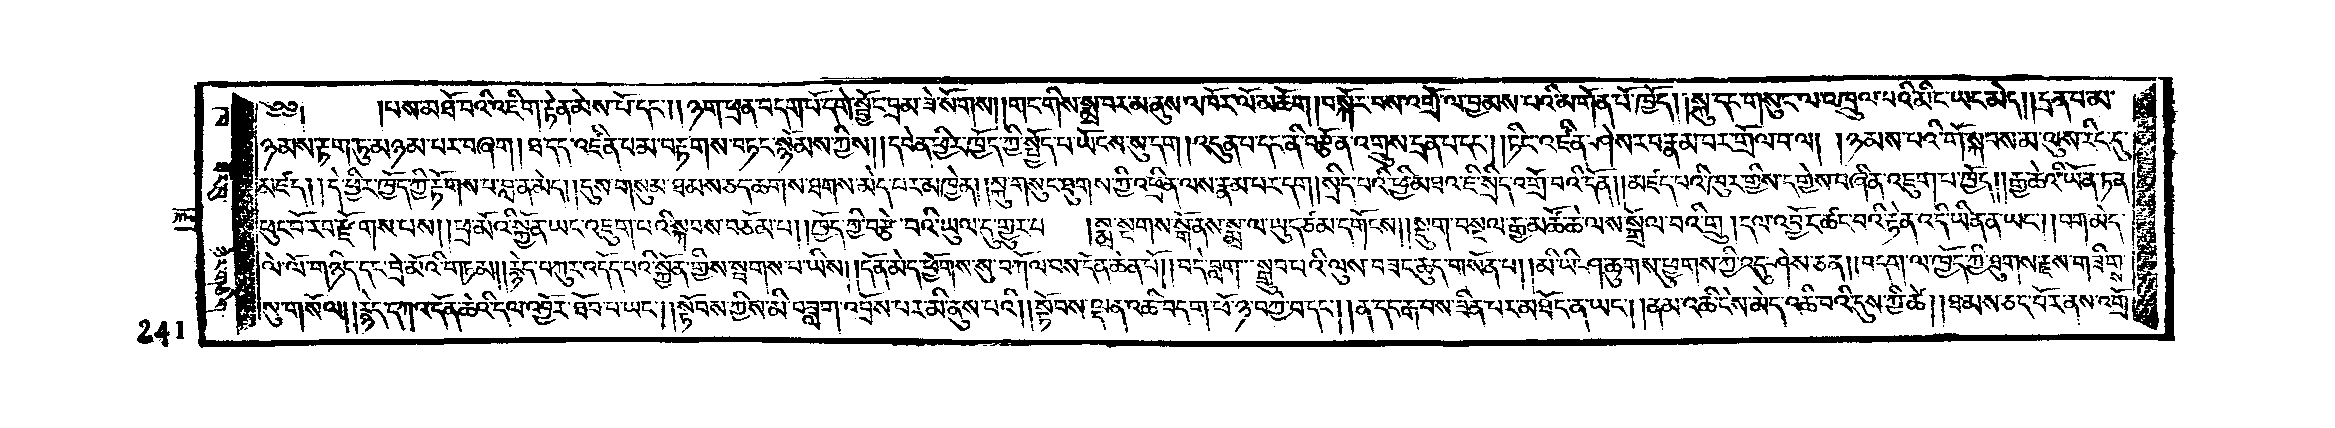༄༅། །པས་མཐོ་བའི་འཇིག་རྟེན་མེས་པོ་དང་། །ཉག་ཕྲན་བདག་པོ་དགེ་སྦྱོང་བྲམ་ཟེ་སོགས། །གང་གིས་སྨྲ་བར་མ་ནུས་འཁོར་ལོ་མཆོག །བསྐོར་བས་འགྲོ་ལ་བྱམས་པའི་མགོན་པོ་ཁྱོད། །སྐུ་དང་གསུང་ལ་འཁྲུལ་པའི་མིང་ཡང་མེད། །དྲན་པ་མ་
ཉམས་རྟག་ཏུ་མཉམ་པར་བཞག །ཐ་དད་འཛིན་པ་མ་བརྟགས་བཏང་སྙོམས་ཀྱིས། །དབེན་ཕྱིར་ཁྱོད་ཀྱི་སྤྱོད་པ་ཡོངས་སུ་དག །འདུན་པ་དང་ནི་བརྩོན་འགྲུས་དྲན་པ་དང་། །ཏིང་འཛིན་ཤེས་རབ་རྣམ་པར་གྲོལ་བ་ལ། །ཉམས་པའི་གོ་སྐབས་མ་ལུས་རིང་དུ་
མཛད༑ ༑དེ་ཕྱིར་ཁྱོད་ཀྱི་རྟོགས་པ་བླ་ན་མེད། །དུས་གསུམ་ཐམས་ཅད་ཆགས་ཐགས་མེད་པར་མཁྱེན། །སྐུ་གསུང་ཐུགས་ཀྱི་འཕྲིན་ལས་རྣམ་པར་དག །སྲིད་པའི་ཕྱི་མཐའ་ཇི་སྲིད་འགྲོ་བའི་དོན། །མཛད་པའི་ཁུར་གྱིས་དགྱེས་བཞིན་འཇུག་པ་ཁྱེད། །རྒྱ་ཆེའི་ཡོན་ཏན་
ཕུང་པོ་རབ་རྫོགས་པས། །ཕྲ་མོའི་སྐྱོན་ཡང་འཇུག་པའི་སྐབས་བཅོམ་པ། །ཁྱོད་ཀྱི་བརྩེ་བའི་ཡུལ་དུ་གྱུར་པ་།སྨྲ་སྔགས་སྒོ་ནས་སྨྲ་ལ་ཡུད་ཙམ་དགོངས། །སྡུག་བསྔལ་རྒྱ་མཚོ་ཆེ་ལས་སྒྲོལ་བའི་གྲུ་།དལ་འབྱོར་ཚང་བའི་རྟེན་འདི་ཡིན་ན་ཡང་། །བག་མེད་
ལེ་ལོ་གཉིད་དང་བྲེ་མོའི་གཏམ། །རྙེད་བཀུར་འདོད་པའི་སྐྱོན་གྱིས་སྦགས་པ་ཡིས། །དོན་མེད་ཕྱོགས་སུ་བཀོལ་བས་དོན་ཆེན་པོ། །བདེ་བླག་སྒྲུབ་པའི་ལུས་བཟང་ཆུད་བསོན་པ། །མི་ཡི་ཤ་ཆུགས་ཕྱུགས་ཀྱི་འདུ་ཤེས་ཅན། །བདག་ལ་ཁྱོད་ཀྱི་ཐུགས་རྗེས་གཟིགས་
སུ་གསོལ། །རྙེད་དཀའ་དོན་ཆེའི་དལ་འབྱོར་ཐོབ་པ་ཡང་། །སྟོབས་ཀྱིས་མི་བཟླག་འབྲོས་པར་མི་ནུས་པའི། །སྟོབས་ལྡན་འཆི་བདག་ཕོ་ཉ་བཀྱེ་བ་དང་། །ན་དང་རྒ་བས་ཟིན་པར་མཐང་ན་ཡང་། །ནམ་འཆི་ངེས་མེད་འཆི་བའི་དུས་ཀྱི་ཚེ། །ཐམས་ཅད་བོར་ནས་འགྲོ་